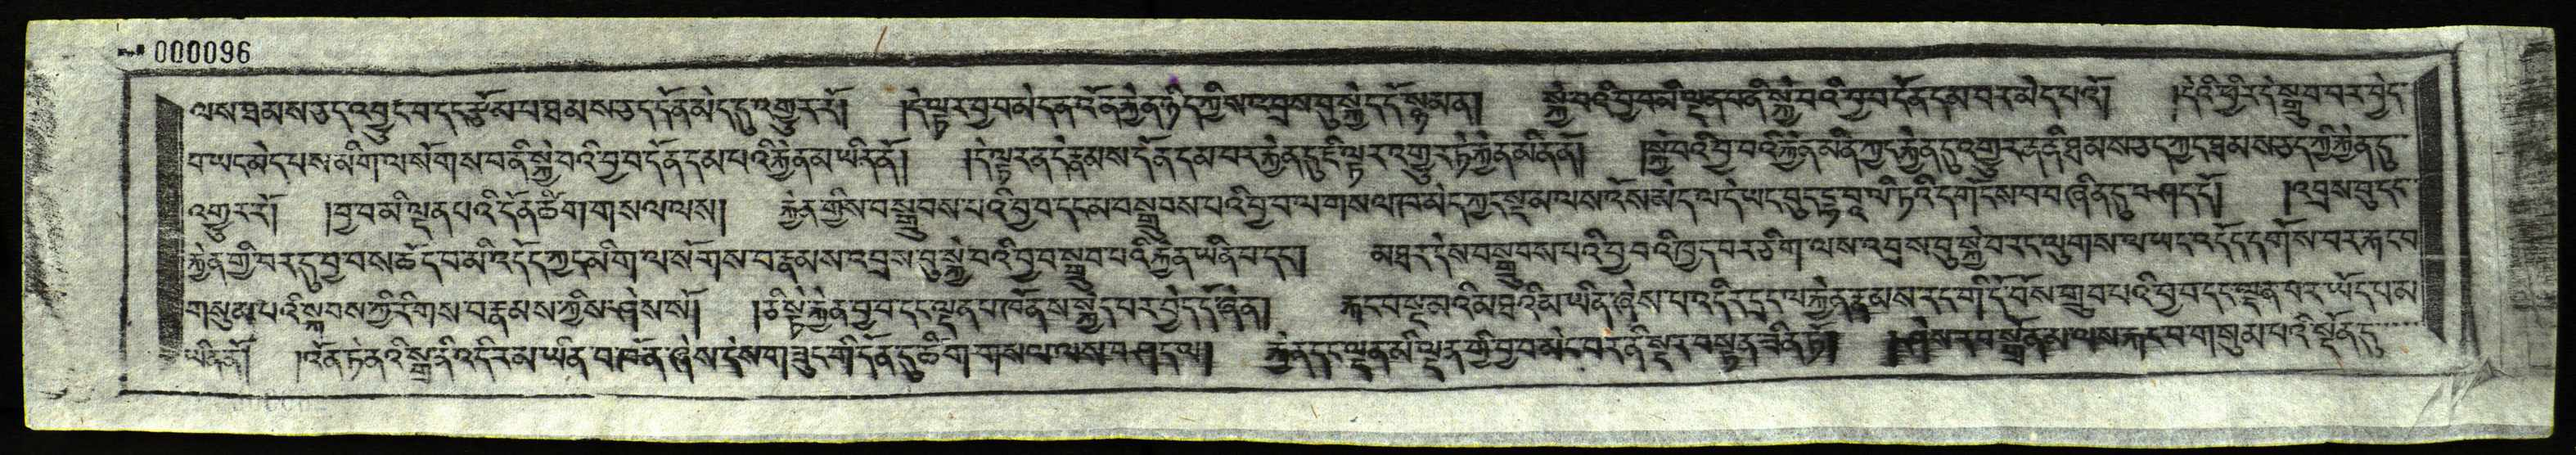ལས་ཐམས་ཅད་འབྱུང་བ་དང་རྩོམ་པ་ཐམས་ཅད་དོན་མེད་དུ་འགྱུར་རོ། །དེ་ལྟར་བྱ་བ་མེད་ན་འོ་ན་རྐྱེན་ཉིད་ཀྱིས་འབྲས་བུ་སྐྱེད་དོ་སྙམ་ན། སྐྱེ་བའི་བྱ་བ་མི་ལྡན་པ་ནི་སྐྱེ་བའི་བྱ་བ་དོན་དམ་པར་མེད་པའོ། །དེའི་ཕྱིར་དེ་སྒྲུབ་བར་བྱེད་
པ་ཡང་མེད་པས་མིག་ལ་སོགས་པ་ནི་སྐྱེ་བའི་བྱ་བ་དོན་དམ་པའི་རྐྱེན་མ་ཡིན་ནོ། །དེ་ལྟར་ན་དེ་རྣམས་དོན་དམ་པར་རྐྱེན་དུ་ཇི་ལྟར་འགྱུར་ཏེ་རྐྱེན་མིན་ནོ། །སྐྱེ་བའི་བྱ་བའི་རྐྱེན་མིན་ཀྱང་རྐྱེན་དུ་འགྱུར་ན་ནི་ཐམས་ཅད་ཀྱང་ཐམས་ཅད་ཀྱི་རྐྱེན་དུ་
འགྱུར་རོ། །བྱ་བ་མི་ལྡན་པའི་དོན་ཚིག་གསལ་ལས། རྐྱེན་གྱིས་བསྒྲུབས་པའི་བྱ་བ་དང་མ་བསྒྲུབས་པའི་བྱ་བ་ལ་གསལ་ཁ་མེད་ཀྱང་སྔ་མ་ལས་འོས་མེད་ལ་དེ་ཡང་བུད་དྷ་པཱ་ལི་ཏའི་དགོངས་པ་བཞིན་དུ་བཤད་དོ། །འབྲས་བུ་དང་
རྐྱེན་གྱི་བར་དུ་བྱ་བས་ཆོད་པ་མི་འདོད་ཀྱང་མིག་ལ་སོགས་པ་རྣམས་འབྲས་བུ་སྐྱེ་བའི་བྱ་བ་སྒྲུབ་པའི་རྐྱེན་ཡིན་པ་དང་། མཐར་དེས་བསྒྲུབས་པའི་བྱ་བའི་ཁྱད་པར་ཅིག་ལས་འབྲས་བུ་སྐྱེ་བ་རང་ལུགས་ལ་ཡང་འདོད་དགོས་པར་རྐང་པ་
གསུམ་པའི་སྐབས་ཀྱི་རིགས་པ་རྣམས་ཀྱིས་ཤེས་སོ། །ཅི་སྟེ་རྐྱེན་བྱ་བ་དང་ལྡན་པ་ཁོ་ནས་སྐྱེད་པར་བྱེད་དོ་ཞེ་ན། རྐང་པ་སྔ་མའི་མཐའི་མ་ཡིན་ཞེས་པ་འདིར་དྲང་ལ་རྐྱེན་རྣམས་རང་གི་ངོ་བོས་གྲུབ་པའི་བྱ་བ་དང་ལྡན་པར་ཡོད་པ་མ་
ཡིན་ནོ། །འོན་ཏེ་ནའི་སྒྲ་ནི་འདིར་མ་ཡིན་པ་ཁོ་ན་ཞེས་དེས་གཟུང་གི་དོན་དུ་ཚིག་གསལ་ལས་བཤད་ལ། རྐྱེན་དང་ལྡན་མི་ལྡན་གྱི་བྱ་བ་མེད་པར་ནི་སྔར་བསྟན་ཟིན་ཏོ། །ཤེས་རབ་སྒྲོན་མ་ལས་རྐང་པ་གསུམ་པའི་སྔོན་དུ་